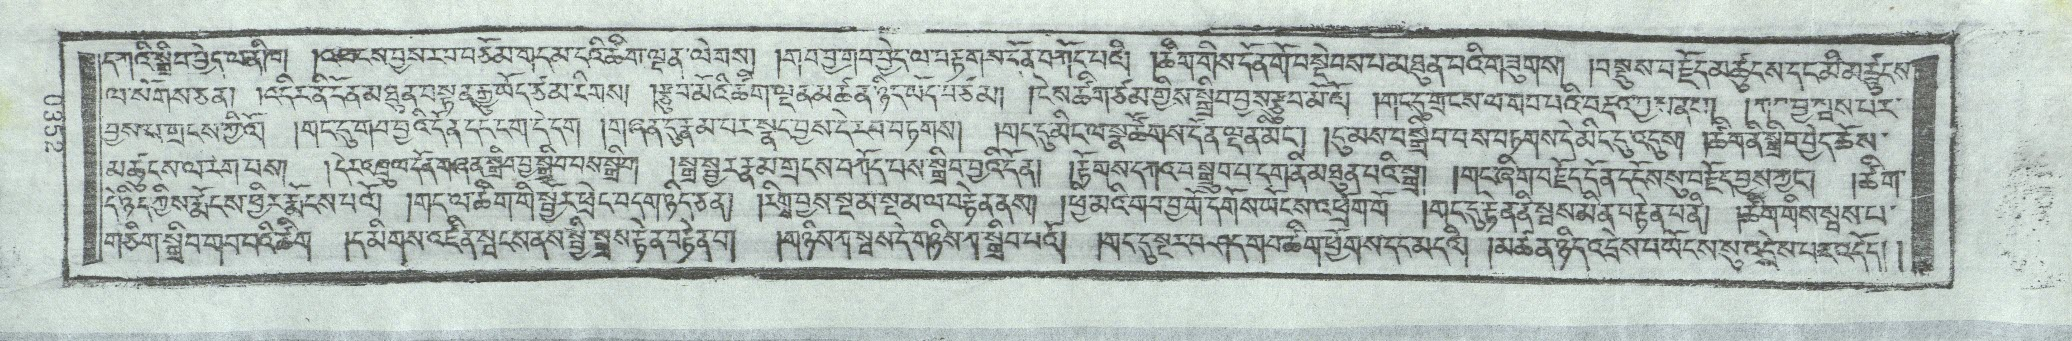དཀའི་སྒྲིབ་བྱེད་ལ་ནི་ཁ། །འཕངས་བྱས་རབ་བཅོམ་གད་མ་ངའི་ཚིག་ལྡན་ལེགས། །གབ་བྱ་གབ་བྱེད་ལ་བརྟགས་དོན་བཀོད་པའི། །ཚིག་གིས་དོན་གོ་བསྡེབས་པ་མཐུན་པའི་གཟུགས། །བསྡུས་བརྗོད་མཚུངས་དང་མི་མཚུངས་
ལ་སེགས་ཅན། །འདིར་ནི་དོན་མཐུན་བསྟན་རྒྱུ་ཡོད་ཙམ་རིགས། །རྩུབ་མོའི་ཏིག་ལྡན་མཚན་ཉིད་ཡོད་པ་ཙམ། །ངེས་ཚིག་ཙམ་གྱིས་སྒྲིབ་བྱས་རྩུབ་མོའོ། །གང་དུ་གྲངས་ལ་གབ་པའི་བརྡའ་བྱས་ནས། །གབ་བྱ་སྔས?་པར་
བྱས་པ་གྲངས་ཀྱིའོ། །གང་དུ་གབ་བྱའི་དོན་དང་ངག་དེ་དག །གཞན་དུ་རྣམ་པར་སྣང་བྱས་དེ་རབ་བཏགས། །གང་དུ་མིང་ལ་སྣ་ཚོགས་དོན་ལྡན་མིང་། །དུ་མས་བསྒྲིབ་བས་བཏགས་དེ་མིང་དུ་འདུས། །ཚིག་གི་སྒྲིབ་བྱེད་??་ས་
མཚུངས་ལ་རེག་པས། །དེར་འཁྲུལ་དོན་གཞན་སྒྲིབ་བྱ་སྒྲིབ་པས་སྒྲིབ། །སྒྲ་སྦྱར་རྣམས་གྲང་བཀོད་པས་སྒྲིབ་བྱའི་དོན། །རྟོགས་བཀའ་བསྒྲུབ་པ་དག་ནི་མཐུན་པའི་སྒྲ། །གང་ཞིག་བརྗོད་དོན་དངོས་སུ་བརྗོད་བྱས་ཀྱང་། །ཚིག་
དེ་ཉིད་ཀྱིས་རྨོངས་ཕྱིར་རྨོངས་པའོ། །གང་ལ་ཚིག་གི་སྦྱོར་ཕྲེང་བདག་ཉིད་ཅན། །རིགས་བྱས་ང་མ་སྔ་མ་ལ་བརྟེན་ནས། །ཕྱི་མའི་གབ་བྱ་གོ་དགོས་ཡོངས་འཕྲོག་གོ །གང་དུ་རྟེན་ནི་སྦས་མིན་བརྟེན་པ་ནི། །ཚིག་གིས་སྦས་པ་
གཅིག་སྒྲིབ་གབ་པའི་ཚིག །དམིགས་འཛིན་སྤངས་ནས་སྤྱི་སྒྲས་རྟེན་བརྟེན་པ། །གཉིས་ཀ་སྦས་དེ་གཉིས་ཀ་སྒྲིབ་པའོ། །གང་དུ་སྔར་བཤད་གབ་ཚིག་ཕྱོགས་དང་མདའི། །མཚན་ཉིད་འདྲེས་པ་ཡོངས་སུ་འདྲེས་པར་འདོད། །